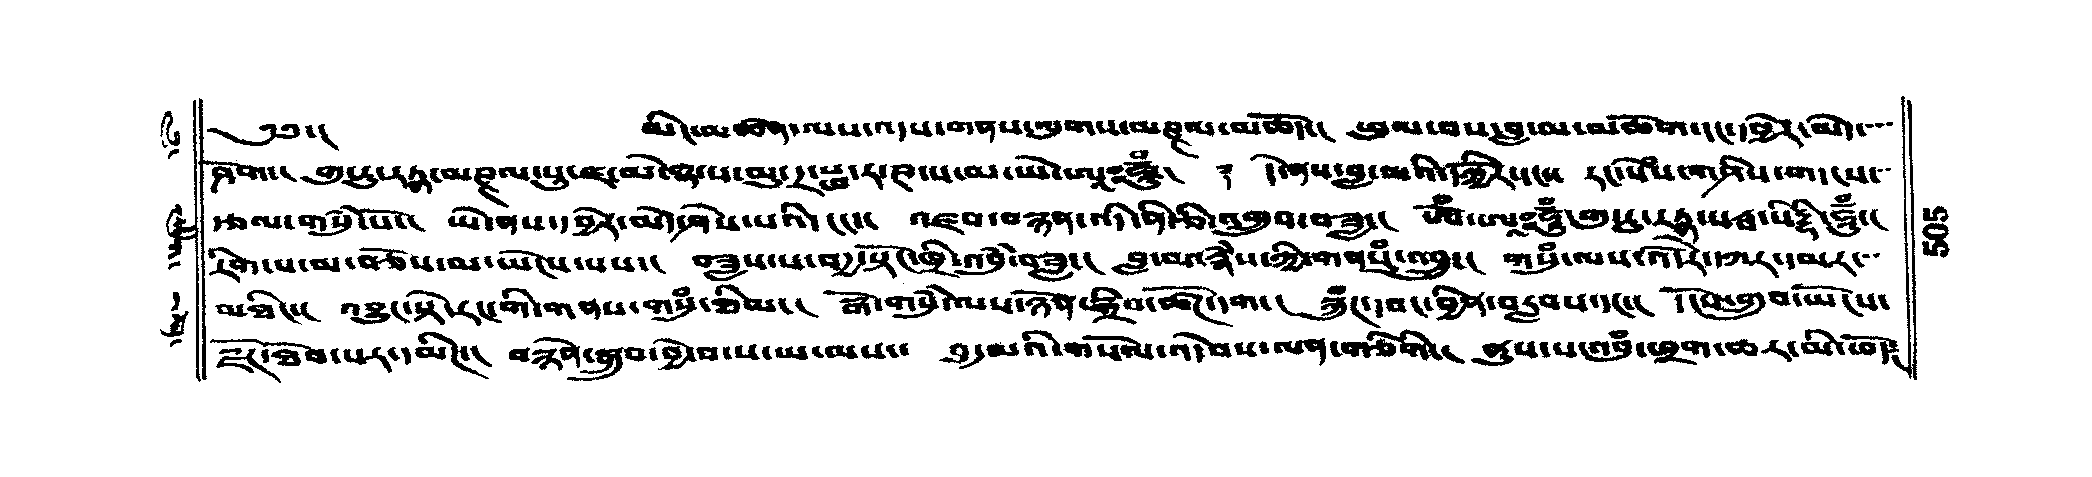མིང་མཚན་ལས་འདས་གནས་ལུགས་མཎྜལ་མཆོད། །ཕུལ་ནས་བླ་མ་མཆོག་དང་དབྱེར་མེད་
ཤོག་།གུ་རུ་རཏྣ་མཎྜལ་པུ་ཛ་མེ་གྷ་ས་མུ་དྲ་སྥ་ར་ཎ་ས་མ་ཡེ་ཨཱཿཧཱུྂ། ༈ དེ་ནས་བླ་མའི་དཀྱིལ་འཁོར་དང་། རང་སེམས་གཤིས་གདངས་
རྩལ་གསུམ་པོ། ཡེ་ནས་དབྱེར་མེད་ཤེས་པའི་ངང་། །འཛབ་བསྙན་འདི་ནི་ཅི་འགྲུབ་བཟླ། ། ཨོྂ་ཨཱཿཧཱུྂ་གུ་རུ་རཏྣ་སརྦ་སིདྡྷི་ཧཱུྂ། 
རིག་པ་མ་ལབཅོས་མ་ཡེངས་པས། །བཟླས་དང་བརྒྱ་སྟོང་ཁྲི་འབུམ་བཟླ། །བླ་མ་རྣམས་ཀྱི་གནས་སུ་འབྲུ། །གསུམ་ལས་འོད་ཟེར་དཀར་དམར་
མཐིང་། །འབྱུང་སྟེ་རང་གི་གནས་གསུམ་ཐིམ། །སྒོ་གསུམ་ལས་ཉོན་སྒྲིབ་ཚོགས་དག་།སྐུ་གསུང་ཐུགས་དབང་བྱིན་རླབས་དང་། །དངོས་གྲུབ་ཡོངས་
རྫོགས་ཐོབ་པར་དམིགས། །བསྙེན་སྒྲུབ་བྱེ་བ་ས་ཡ་ལས། །བླ་མའི་གསོལ་འདེབས་ལན་གཅིག་གི་ནུས་པ་འབུམ་ཕྲག་ཆར་མི་ཕོད། །